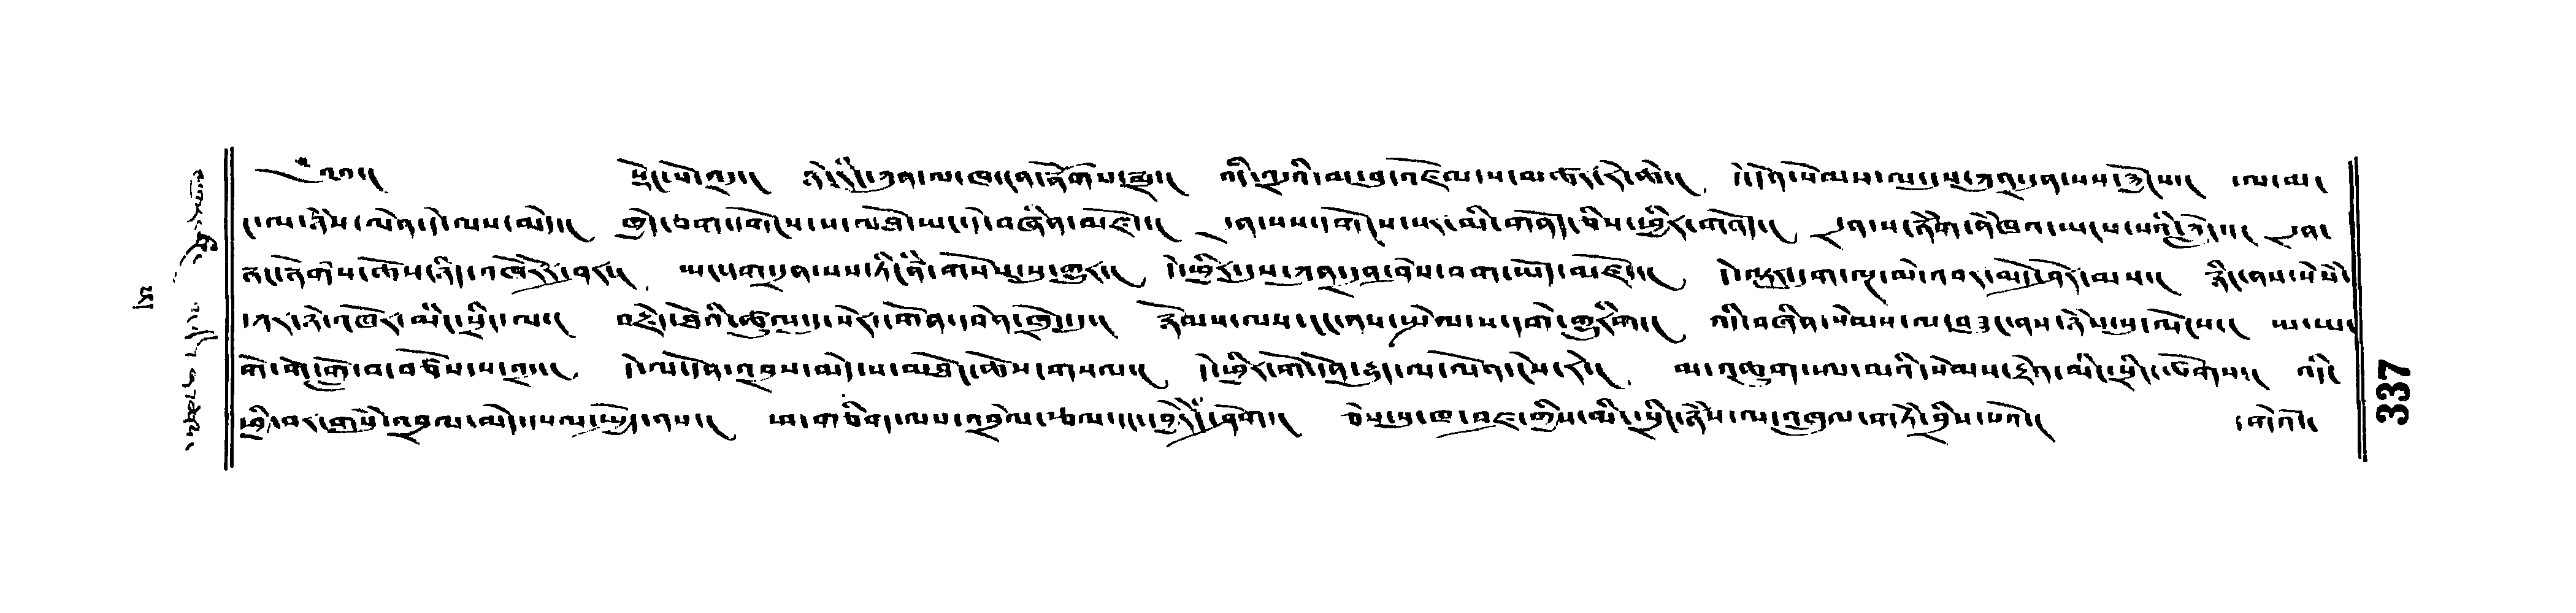སྡོང་པོ་འདྲ། །ཉེ་རིང་ཀུན་ལ་ཁ་ངན་སྣ་ཚོགས་སྨྲ། །འདི་འདྲའི་མ་བུ་འཛོམ་པ་མཚར་རེ་ཆེ། །དེ་དོན་སེམས་ལ་དུས་ཀུན་དྲན་པས་སྐྱོངས། །ཨ་མ་
ང་ལ་ཉམས་ལེན་དེ་ལས་མེད། ཁྱེད་ཅག་དགོངས་པ་མཐོ་ཡང་དེ་བཞིན་མཛོད། །དྲན་པས་དགོངས་པར་མི་གནོད་ཅིས་ཕྱིར་གནོད། །དྲན་པ་རྣམ་དག་ནམ་མཁའ་ཡངས་པའི་ཀློང་། །དྲན་
སྣང་སྣ་ཚོགས་ཆོས་ཉིད་འཁོར་ལོར་ཤར། །ཡང་དག་དྲན་པས་ཏིང་འཛིན་གསོས་སུ་གྱུར། །དེ་ཕྱིར་དུས་ཀུན་དྲན་ཤེས་བག་ཡོད་མཛོད། །དེ་ལྟར་དུག་ལྔ་མེ་འབར་མོད་ཤོར་མས། །སྙིང་ནས་སེམས་
དཀར་ཉེ་འཁོར་མིང་སྲིང་ལ། །བརྗེད་ཐོའི་ཚུལ་དུ་སེར་དགོན་དབེན་ཁྲོད་དུ། །སྙོམས་ལས་ངང་ནས་སྤེལ་པ་དགེ་གྱུར་ཅིག །འདི་བཞིན་སེམས་ལ་བཟུང་ནས་ཉམས་སུ་ལོངས། །ཡ་ཡ་
གོ་གོ་གློ་བ་བཙོས་པ་འདྲ། །དེ་ལ་དོན་འབྲས་མེད་པ་མཐོང་ཆོས་གསལ། །དེ་ཕྱིར་གོ་དོན་རྒྱུད་ལ་ལོན་ངེས་རེ། །མ་འཆུག་ཨ་མའི་སེམས་རྟེན་མིང་སྲིང་ཚོགས། །འདི་
ཕྱི་བར་གསུམ་འབྲལ་མེད་དཔལ་སྤྱོད་ནས། །ཕ་གཅིག་ལས་འབྲེལ་རྩལ་དང་དབྱེར་མེད་ཤོག ཅེས་སུ་ཁ་བཛྲ་གྱིས་མིང་སྲིང་རྣམས་ལ་འཁྲུལ་གཏམ་བྲིས་པའོ། དགེའོ།།